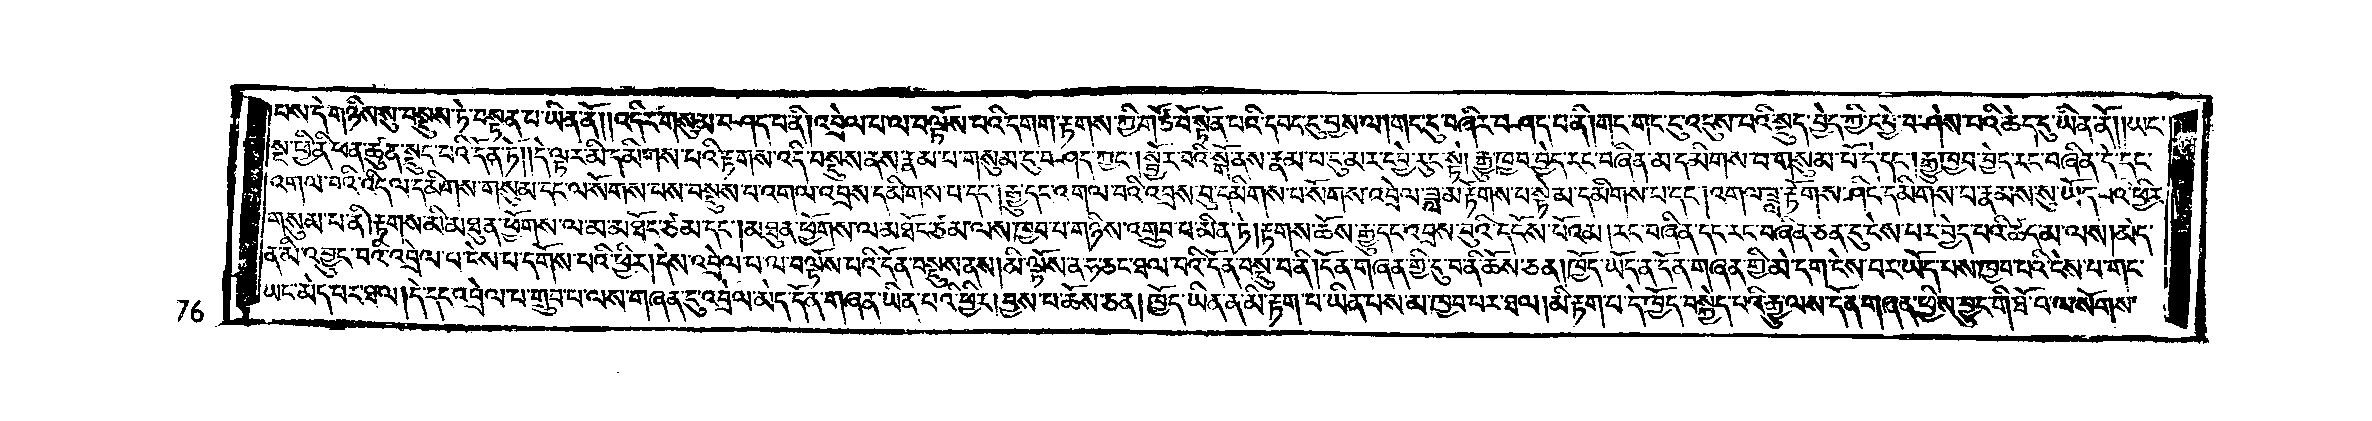པས་དེ་གཉིས་སུ་བསྡུས་ཏེ་བསྟན་པ་ཡིན་ནོ། །འདིར་གསུམ་བཤད་པ་ནི། འབྲེལ་པ་ལ་བལྟོས་པའི་དགག་རྟགས་ཀྱི་གཙོ་བོ་སྟོན་པའི་དབང་དུ་བྱས་ལ། གང་དུ་བཞིར་བཤད་པ་ནི། གང་གང་དུ་འདུས་པའི་སྡུད་བྱེད་ཀྱི་དབྱེ་བ་ཤེས་པའི་ཆེད་དུ་ཡིན་ནོ། །ཡང་
སྔ་ཕྱི་ནི་ཕན་ཚུན་སྡུད་པའི་དོན་ཏོ། །དེ་ལྟར་མི་དམིགས་པའི་རྟགས་འདི་བསྡུས་ནས་རྣམ་པ་གསུམ་དུ་བཤད་ཀྱང་། སྦྱོར་བའི་སྒོ་ནས་རྣམ་པ་དུ་མར་དབྱེ་རུང་སྟེ། རྒྱུ་ཁྱབ་བྱེད་རང་བཞིན་མ་དམིགས་པ་གསུམ་པོ་དེ་དང་། རྒྱུ་ཁྱབ་བྱེད་རང་བཞིན་དེ་དང་
འགལ་བའི་འདི་ལ་དམིགས་གསུམ་དང་ལ་སོགས་པས་བསྡུས་པ་འགལ་འབྲས་དམིགས་པ་དང་། རྒྱུ་དང་འགལ་བའི་འབྲས་བུ་དམིགས་པ་སོགས་འབྲེལ་ཟླ་མ་རྟོགས་པ་སྟེ་མ་དམིགས་པ་དང་། འགལ་ཟླ་རྟོགས་ཤིང་དམིགས་པ་རྣམས་སུ་ཡོད་པའི་ཕྱིར་
གསུམ་པ་ནི། རྟགས་མི་མཐུན་ཕྱོགས་ལ་མ་མཐོང་ཙམ་དང་། མཐུན་ཕྱོགས་ལ་མཐོང་ཙམ་ལས་ཁྱབ་པ་གཉིས་འགྲུབ་པ་མིན་ཏེ། རྟགས་ཆོས་རྒྱུ་དང་འབྲས་བུའི་དངོས་པོའམ། རང་བཞིན་དང་རང་བཞིན་ཅན་དུ་ངེས་པར་བྱེད་པའི་ཚད་མ་ལས། མེད་
ན་མི་འབྱུང་བའི་འབྲེལ་པ་ངེས་པ་དགོས་པའི་ཕྱིར། དེས་འབྲེལ་པ་ལ་བལྟོས་པའི་དོན་བསྡུས་ནས། མི་ལྟོས་ན་ཧ་ཅང་ཐལ་བའི་དོན་བསྡུ་བ་ནི། དོན་གཞན་གྱི་དུ་བ་ནི་ཆོས་ཅན། ཁྱོད་ཡོད་ན་དོན་གཞན་གྱི་མེ་དག་ངེས་པར་ཡོད་པས་ཁྱབ་པའི་ངེས་པ་གང་
ཡང་མེད་པར་ཐལ། དེ་དང་འབྲེལ་པ་གྲུབ་པ་ལས་གཞན་དུ་འབྲེལ་མེད་དོན་གཞན་ཡིན་པའི་ཕྱིར། བྱས་པ་ཆོས་ཅན། ཁྱོད་ཡིན་ན་མི་རྟག་པ་ཡིན་པས་མ་ཁྱབ་པར་ཐལ། མི་རྟག་པ་དེ་ཁྱོད་བསྐྱེད་པའི་རྒྱུ་ལས་དོན་གཞན་ཕྱིས་བྱུང་གི་ཐོབ་ལ་སོགས་